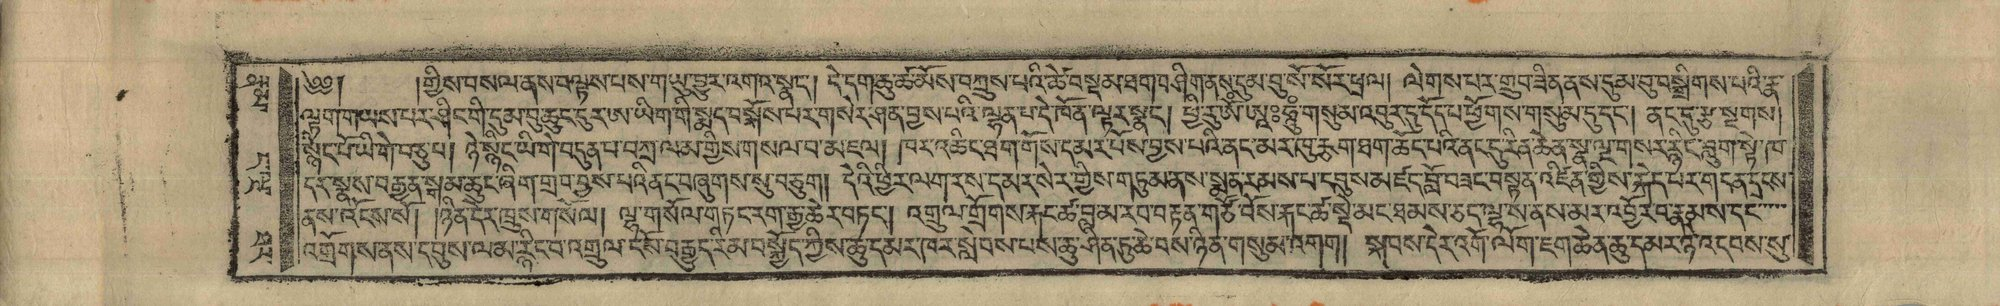༄༅། །གྱིས་བསལ་ནས་བལྟས་པས་གཡུ་བྱུར་འགའ་སྣད། དེ་དག་ཆུ་ཚ་མོས་བཀྲུས་པའི་ཚེ་བསྡམ་ཐག་བཤིག་ནས་དུམ་བུ་སོ་སོར་ཕྲལ། ལེགས་པར་གྲུབ་ཟིན་ནས་དུམ་བུ་བསྒྲིགས་པའི་རྣ་
ལྟག་གཡས་པར་ཤིང་གི་དུམ་བུ་ཆུང་ངུར་ཨ་ཡིག་གི་སྨད་བསྐོས་པར་གསེར་ཤན་བྱས་པའི་ལྷན་པ་དེ་ཁོ་ན་ལྟར་སྣང་། ཕྱི་རུ་ཨོཾ་ཨཱཿ ཧཱུཾ་གསུམ་འབུར་དུ་དོད་པ་ཕྱོགས་གསུམ་དུ་དང་། ནང་དུ་རྩ་སྔགས།
སྙིང་པོ་ཡི་གེ་བཅུ་པ། ཉེ་སྙིང་ཡི་གེ་བདུན་པ་བཀྲ་ལམ་གྱིས་གསལ་བ་མཇལ། ཁར་འཆིང་ཐག་གོས་དམར་པོས་བྱས་པའི་ནང་མར་ཁུ་རྩག་ཐག་ཆོད་པའི་ནང་དུ་རིན་ཆེན་སྣ་ལྔ་གསར་རྙིང་བླུག་སྟེ་ཁ་
དར་སྣས་བརྒྱན་སྒམ་ཆུང་ཞིག་གྲབ་བྱས་པའི་ནང་བཞུགས་སུ་བཅུག །དེའི་ཕྱིར་ལག་རས་དམར་སེར་གྱིས་གཏུམ་ནས་སྨན་རམས་པ་དབུས་མཛད་བློ་བཟང་བསྟན་འཛིན་གྱིས་རྐེད་པར་གདན་དྲངས་
ནས་འོངས་སོ། །ཉིན་དེར་ཁྲུས་གསོལ། ལྷ་གསོལ་གཏང་རག་རྒྱ་ཆེར་བཏང་། འགྲུལ་གྲོགས་རྐང་ཚ་བླ་མ་རབ་བརྟན་གཙོ་བོས་རྐང་ཚ་སྡེ་མང་ཐམས་ཅད་ལྷ་ས་ནས་མར་འབྱོར་བ་རྣམས་དང་
འགྲོགས་ནས་དབུས་ལམ་རྙིང་བ་འགྲུལ་ངོས་བརྒྱུད་རིམ་བསྐྱོད་ཀྱིས་ཆུ་དམར་ཁར་སླེབས་པས་ཆུ་ཤིན་ཏུ་ཆེ་བས་ཉིན་གསུམ་འགག །སྐབས་དེར་འགོ་ལོག་ཇག་ཆེན་ཆུ་དམར་ཉེ་འདབས་སུ་